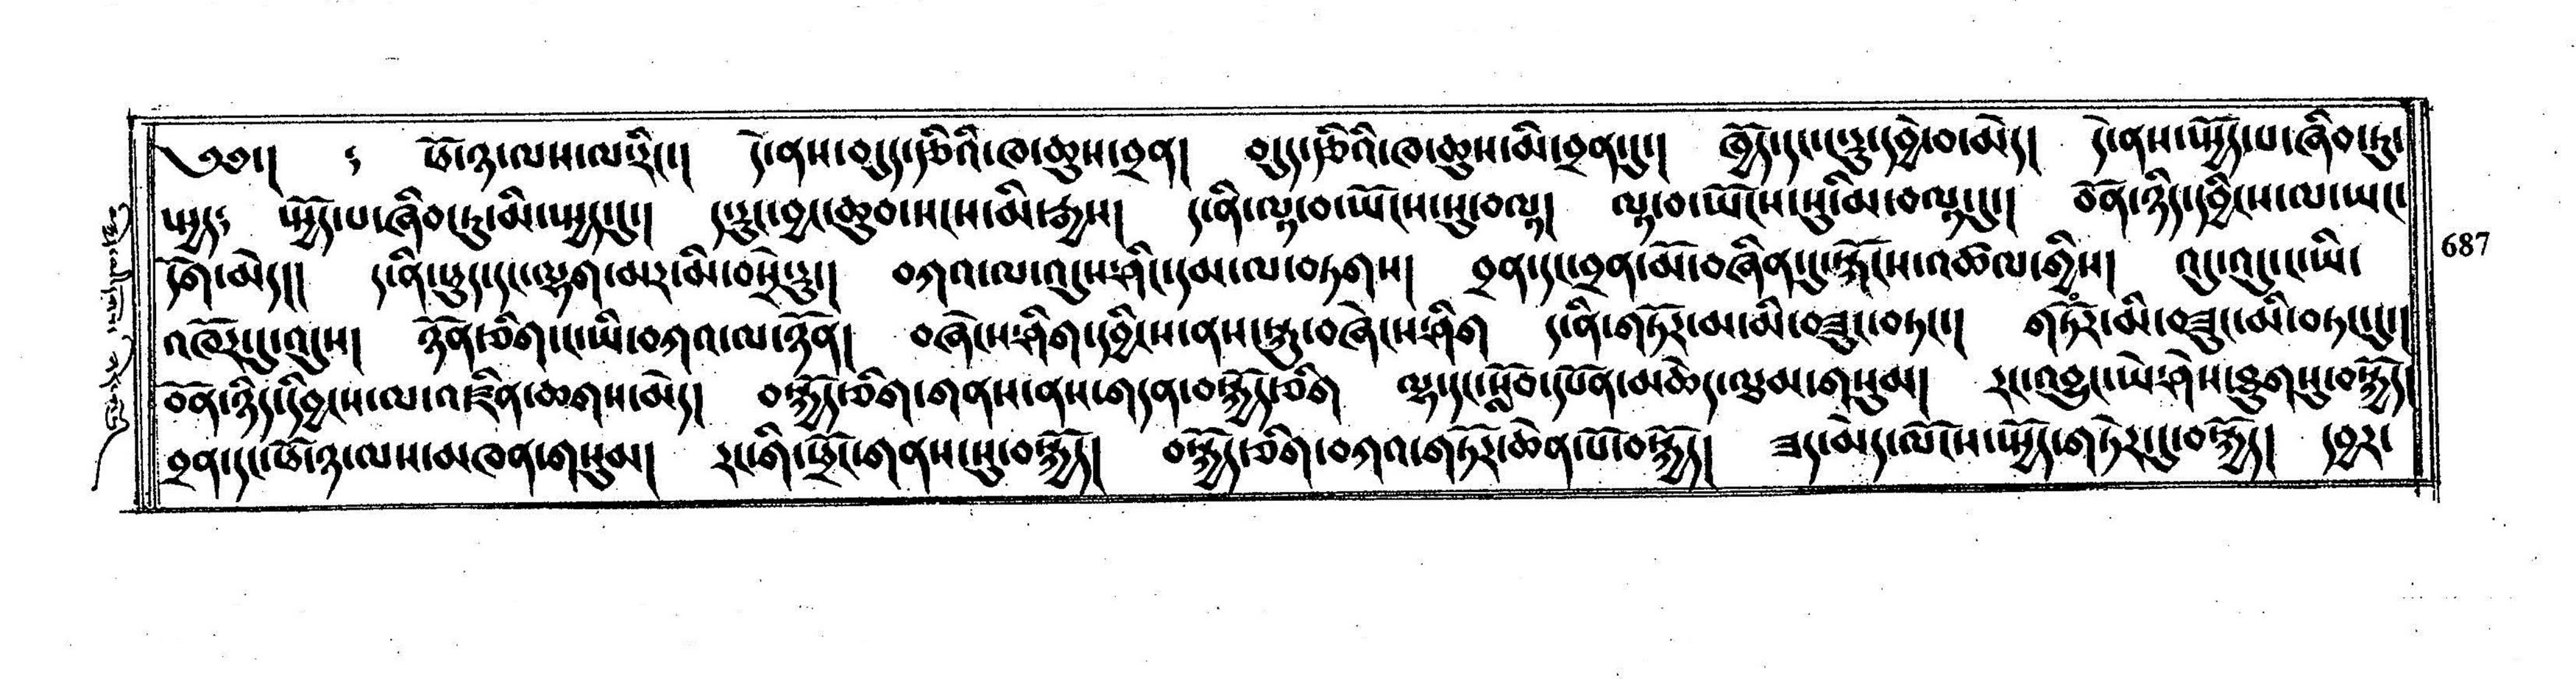ཕོ་ཉ་ལས་ལ་རིང་། དེ་ནས་བདུད་རྩིའི་ཁ་ཆུས་བྲན། བདུད་རྩིའི་ཁ་ཆུས་མི་བྲན་དུ། ཁྱོད་དང་ང་རུ་དབྱེ་བ་མེད། དེ་ནས་སྤྱོད་པ་ཞིབ་ཏུ་
སྤྱད། སྤྱོད་པ་ཞིབ་ཏུ་མི་སྤྱད་དུ། ད་རུང་བྱང་ཆུབ་སངས་མི་རྒྱས། ད་ནི་ལྟ་བ་ཡོངས་སུ་བལྟ། ལྟ་བ་ཡོངས་སུ་མི་བལྟ་དུ། བོན་ཉིད་དབྱིངས་ལ་ཡང་
དོག་མེད།། ད་ནི་ཕུད་དང་ལྷག་མར་མི་བསྲེ་རུ། བཀའ་ལ་འདུས་ཤིང་དམ་ལ་བཏགས། བྲན་དང་བྲན་མོ་བཞིན་དུ་སྐོངས་འཚལ་གྱིས། འདུ་འདུ་ང་ཡི་
འཁོར་དུ་འདུས། ཉོན་ཅིག་ང་ཡི་བཀའ་ལ་ཉོན། བཞེངས་ཤིག་དབྱིངས་ནས་སྐུ་བཞེངས་ཤིག ད་ནི་གཏོར་མ་མི་བཟུང་བཏང་། གཏོར་མ་མི་བཟུང་མི་བཏང་དུ། 
བོན་ཉིད་དབྱིངས་ལ་འཛིན་ཆགས་མེད། བསྐྱོད་ཅིག་གནས་ནས་གདན་བསྐྱོད་ཅིག ལྷ་དང་སློབ་དཔོན་མཆེད་ལྕམ་གསུམ། རང་འབྱུང་ཡེ་ཤེས་ཐུགས་སུ་བསྐྱོད། 
བྲན་དང་ཕོ་ཉ་ལས་མཁན་གསུམ། རང་གི་ཕོ་བྲང་གནས་སུ་བསྐྱོད། བསྐྱོད་ཅིག་བཀའ་གཏོར་ཆེན་པོ་བསྐྱོད། ཟད་མེད་ལོངས་སྤྱོད་གཏེར་དུ་བསྐྱོད། དབྱར་